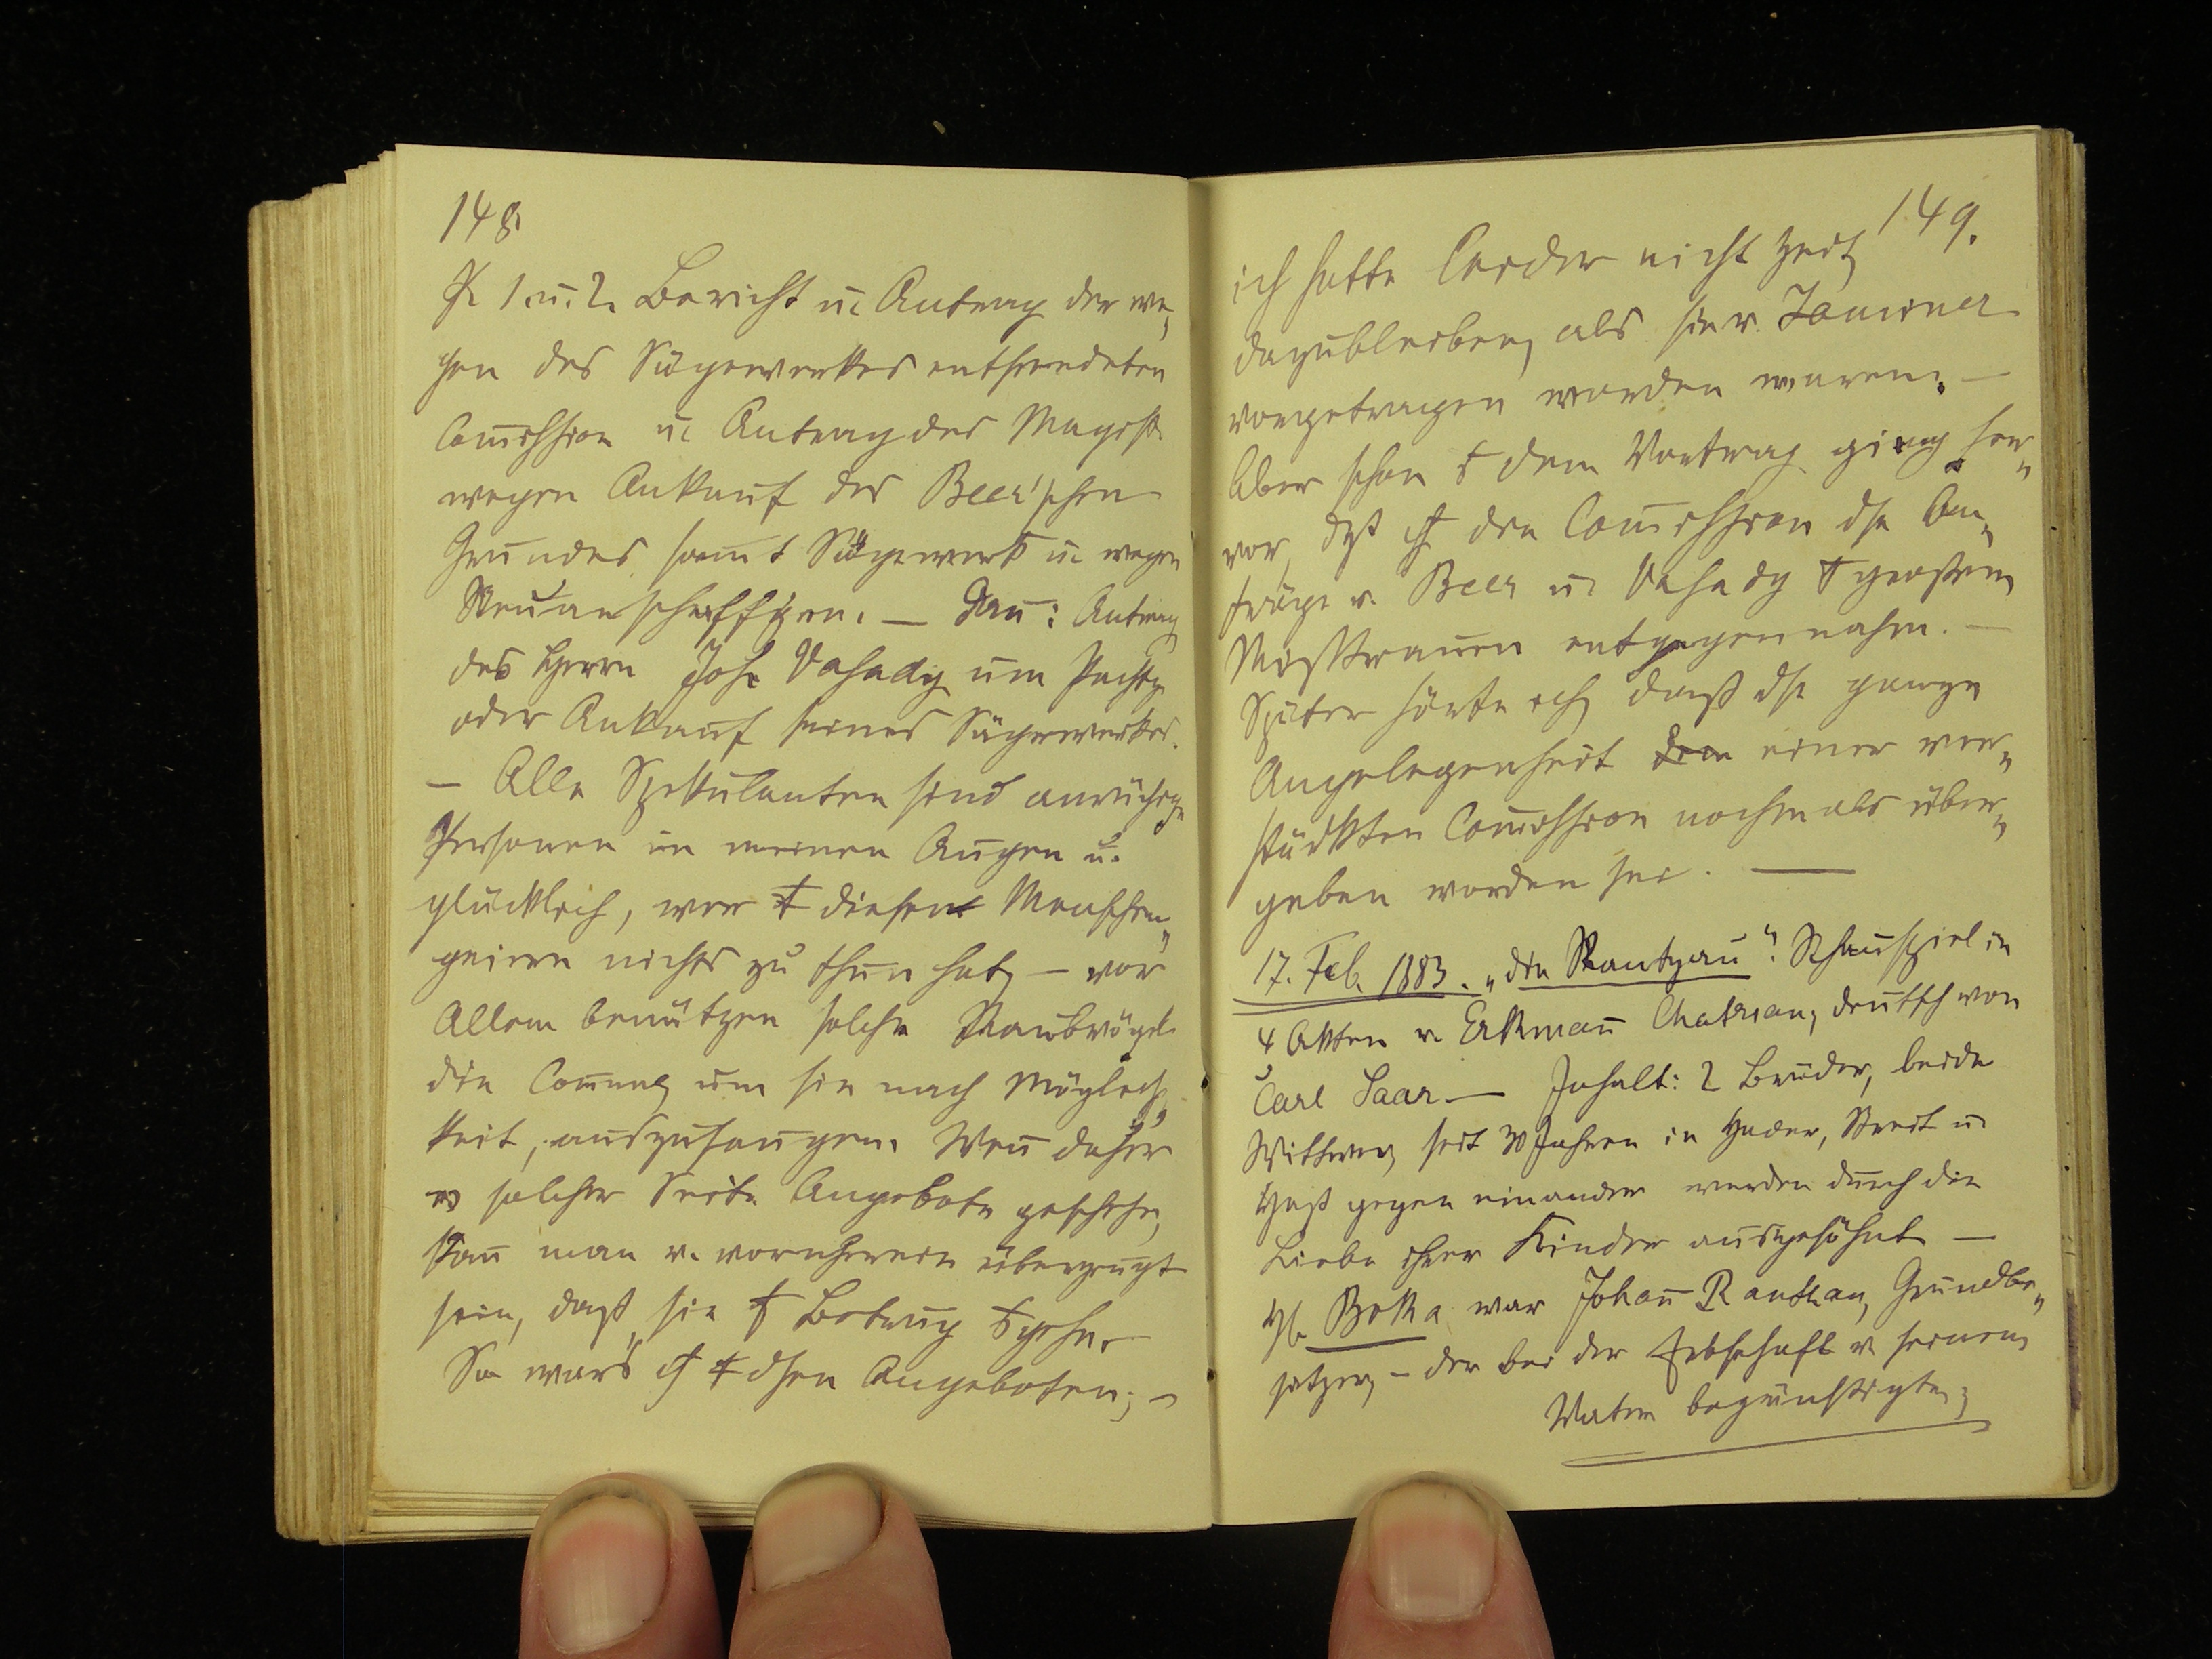148
P 1 und 2 Bericht und Antrag der we¬
gen des Sägewerkes entsendeten
Commission und Antrag des Magistrats
wegen Ankauf des Beer´schen
Grundes samt Sägewerk und wegen
Steuerschätzungen.—Dann: Antrag
des Herrn Josef Vahady um Pacht
oder Ankauf seines Sägewerkes.
—Alle Spekulanten sind anrüchige
Personen in meinen Augen und
glücklich, wer mit diesen Menschen¬
geierrn nichts zu thun hat,--vor
allem benützen solche Raubvögel
die Commune um sie nach Möglich¬
keit auszusaugen. Wenn daher
von solcher Seite Angebote geschehen
kann man von vornherein überzeugt
sein, daß sie mit Betrug mitgehen.-
So war´s mit diesen Angeboten;--
149
Ich hatte leider nicht Zeit
dazubleiben, als sie von Tanierer
vorgetragen worden waren.—
Aber schon mit dem Vortrag ging her¬
vor , daß auch die Commission diese An¬
träge von Beer und Vahady mit großem
Mistrauen entgegen nahm.-
Später hörte ich daß diese ganze
Angelegenheit einer ver¬
stärkten Commission nochmals über¬
geben worden sei.—
17. Februar . “Die Rantzen“… Schauspiel in
4 Akten von Erkmann Chateriau; , deutsch von
Carl Saar.- Inhalt: 2 Brüder, beide
Witwer, seit 30 Jahren in Hader, Streit und
Haß gegen einander wurden durch die
Liebe ihrer Kinder ausgesöhnt—
Herr Boka war Johann Ranthan, Grundbe¬
sitzerr- der bei der Erbschaft von seinem
Vater begünstigte,